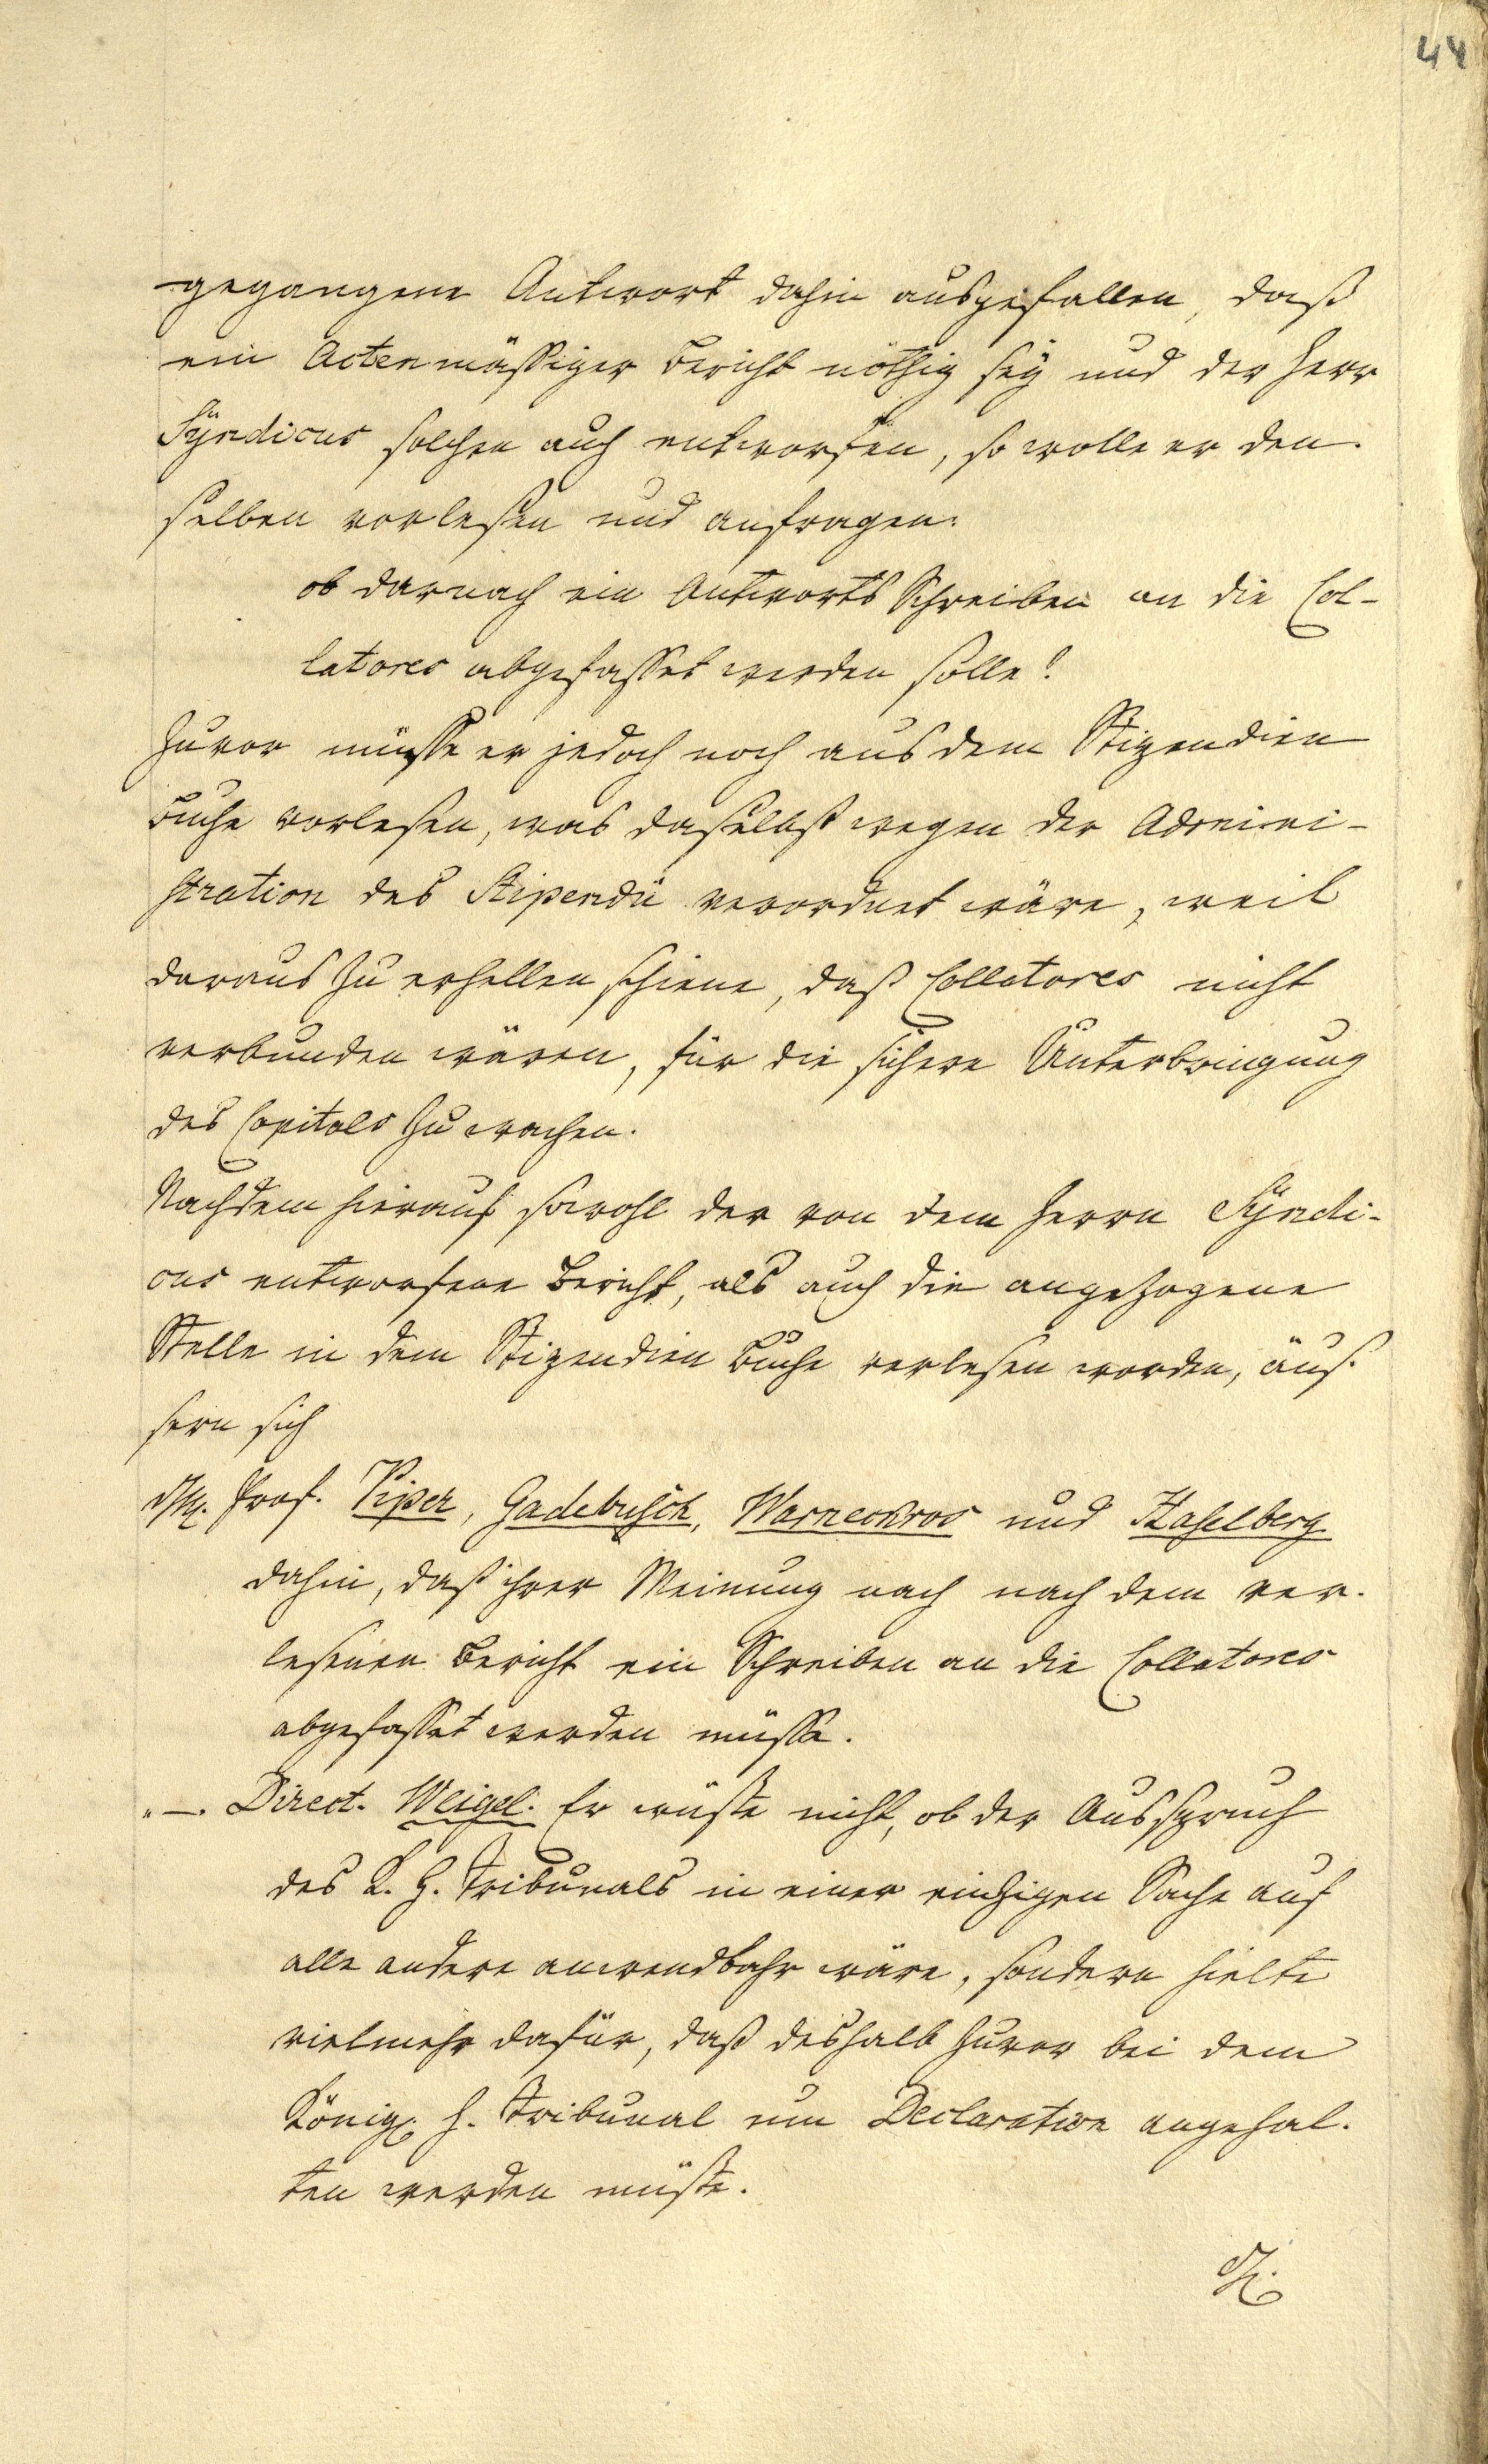gegangene Antwort dahin ausgefallen, daß
ein actenmässiger Bericht nöthig sey und der Herr
Syndicus solchen auch entworfen, so wolle er den-
selben vorlesen und anfragen:
ob darnach ein Antworts Schreiben an die Col-
latores abgefasset werden solle?
Zuvor müsse er jedoch noch aus dem Stipendien-
Buche vorlesen, was daselbst wegen der Admini-
stration des Stipendii verordnet wäre, weil
daraus zu erhellen schiene, daß Collatores nicht
verbunden wären, für die sichere Unterbringung
des Capitals zu wachen.
Nachdem hirauf sowohl der von dem Herrn Syndi-
cus entworfene Bericht, als auch die angezogene
Stelle in dem Stipendien Buche verlesen worden, äus-
sern sich
dhh. Prof. Piper, Gadebusch, Warneckros und Haselberg
dahin, daß ihrer Meinung nach nach dem ver-
lesenen Bericht ein Schreiben an die Collatores
abgefasset werden müsse.
" - " Direct. Weigel. Er wüßte nicht, ob der Ausspruch
des K. H. Tribunals in einer einzigen Sache auf
alle andere anwendbahr wäre, sondern hielte
vielmehr dafür, daß deshalb zuvor bei dem
Königl. h. Tribunal um Declaration angehal-
ten werden müßte.
dh.